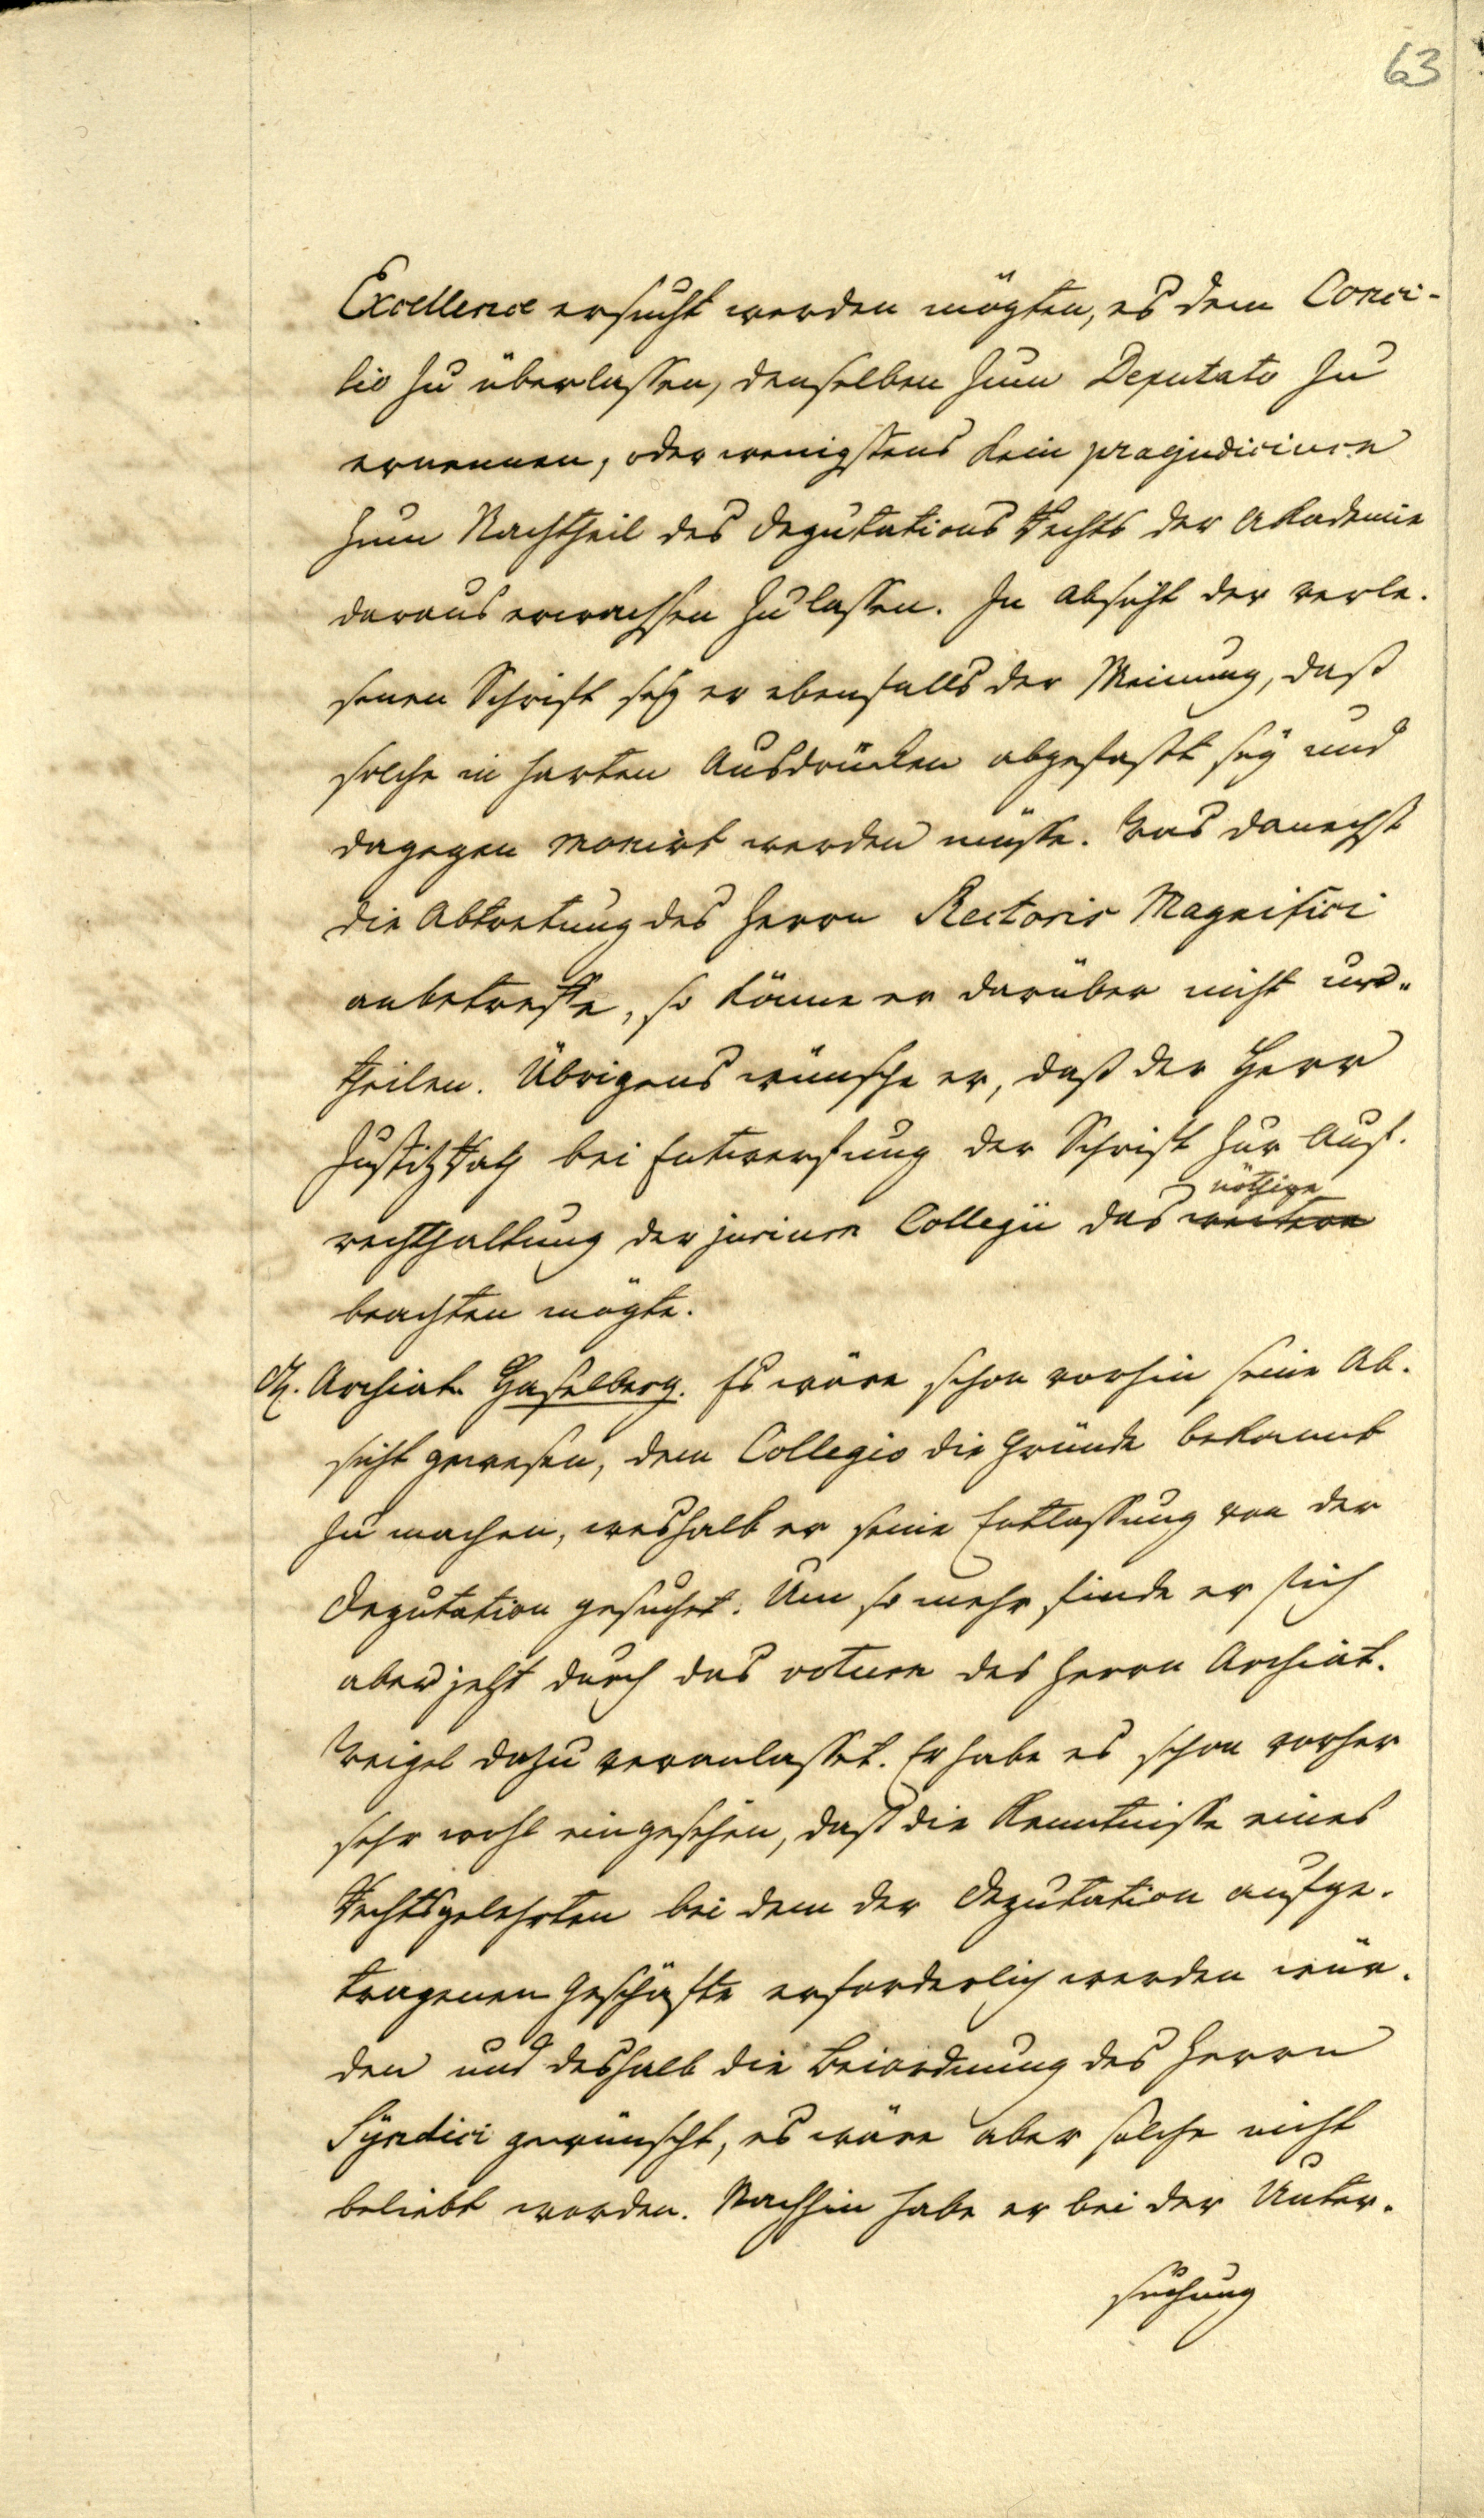Excellence ersucht werden mögten, es dem Conci¬
lio zu überlassen, denselben zum Deputato zu
ernennen, oder wenigstens kein praejudicium
zum Nachtheil des Deputations Rechts der Akademie
daraus erwachsen zu lassen. In Absicht der verle¬
senen Schrift seÿ er ebenfalls der Meinung, daß
solche in harten Ausdrücken abgefaßt seÿ und
dagegen monirt werden müsse. Was danechst
die Abtretung des Herrn Rectoris Magnifici
anbetreffe, so könne er darüber nicht ur¬
theilen. Übrigens wünsche er, daß der Herr
Justiz Rath bei Entwerfung der Schrift zur Auf
rechthaltung der jurium Collegii das nöthige weitere
beachten mögte.
dh. Archiat. Haselberg. Es wäre schon vorhin seine Ab¬
sicht gewesen, dem Collegio die Gründe bekannt
zu machen, weshalb er seine Entlassung von der
Deputation gesuchet. Um so mehr finde er sich
aber jetzt durch das votum des Herrn Archiat.
Weigel dazu veranlasset. Er habe es schon vorher
sehr wohl eingesehen, daß die Kenntnisse eines
Rechtsgelehrten bei dem der Deputation aufge¬
tragenen Geschäfte erforderlich werden wür¬
den und deshalb die Beiordnung des Herrn
Sÿndici gewünscht, es wäre aber solche nicht
beliebt worden. Nachhin habe er bei der Unter¬
suchung